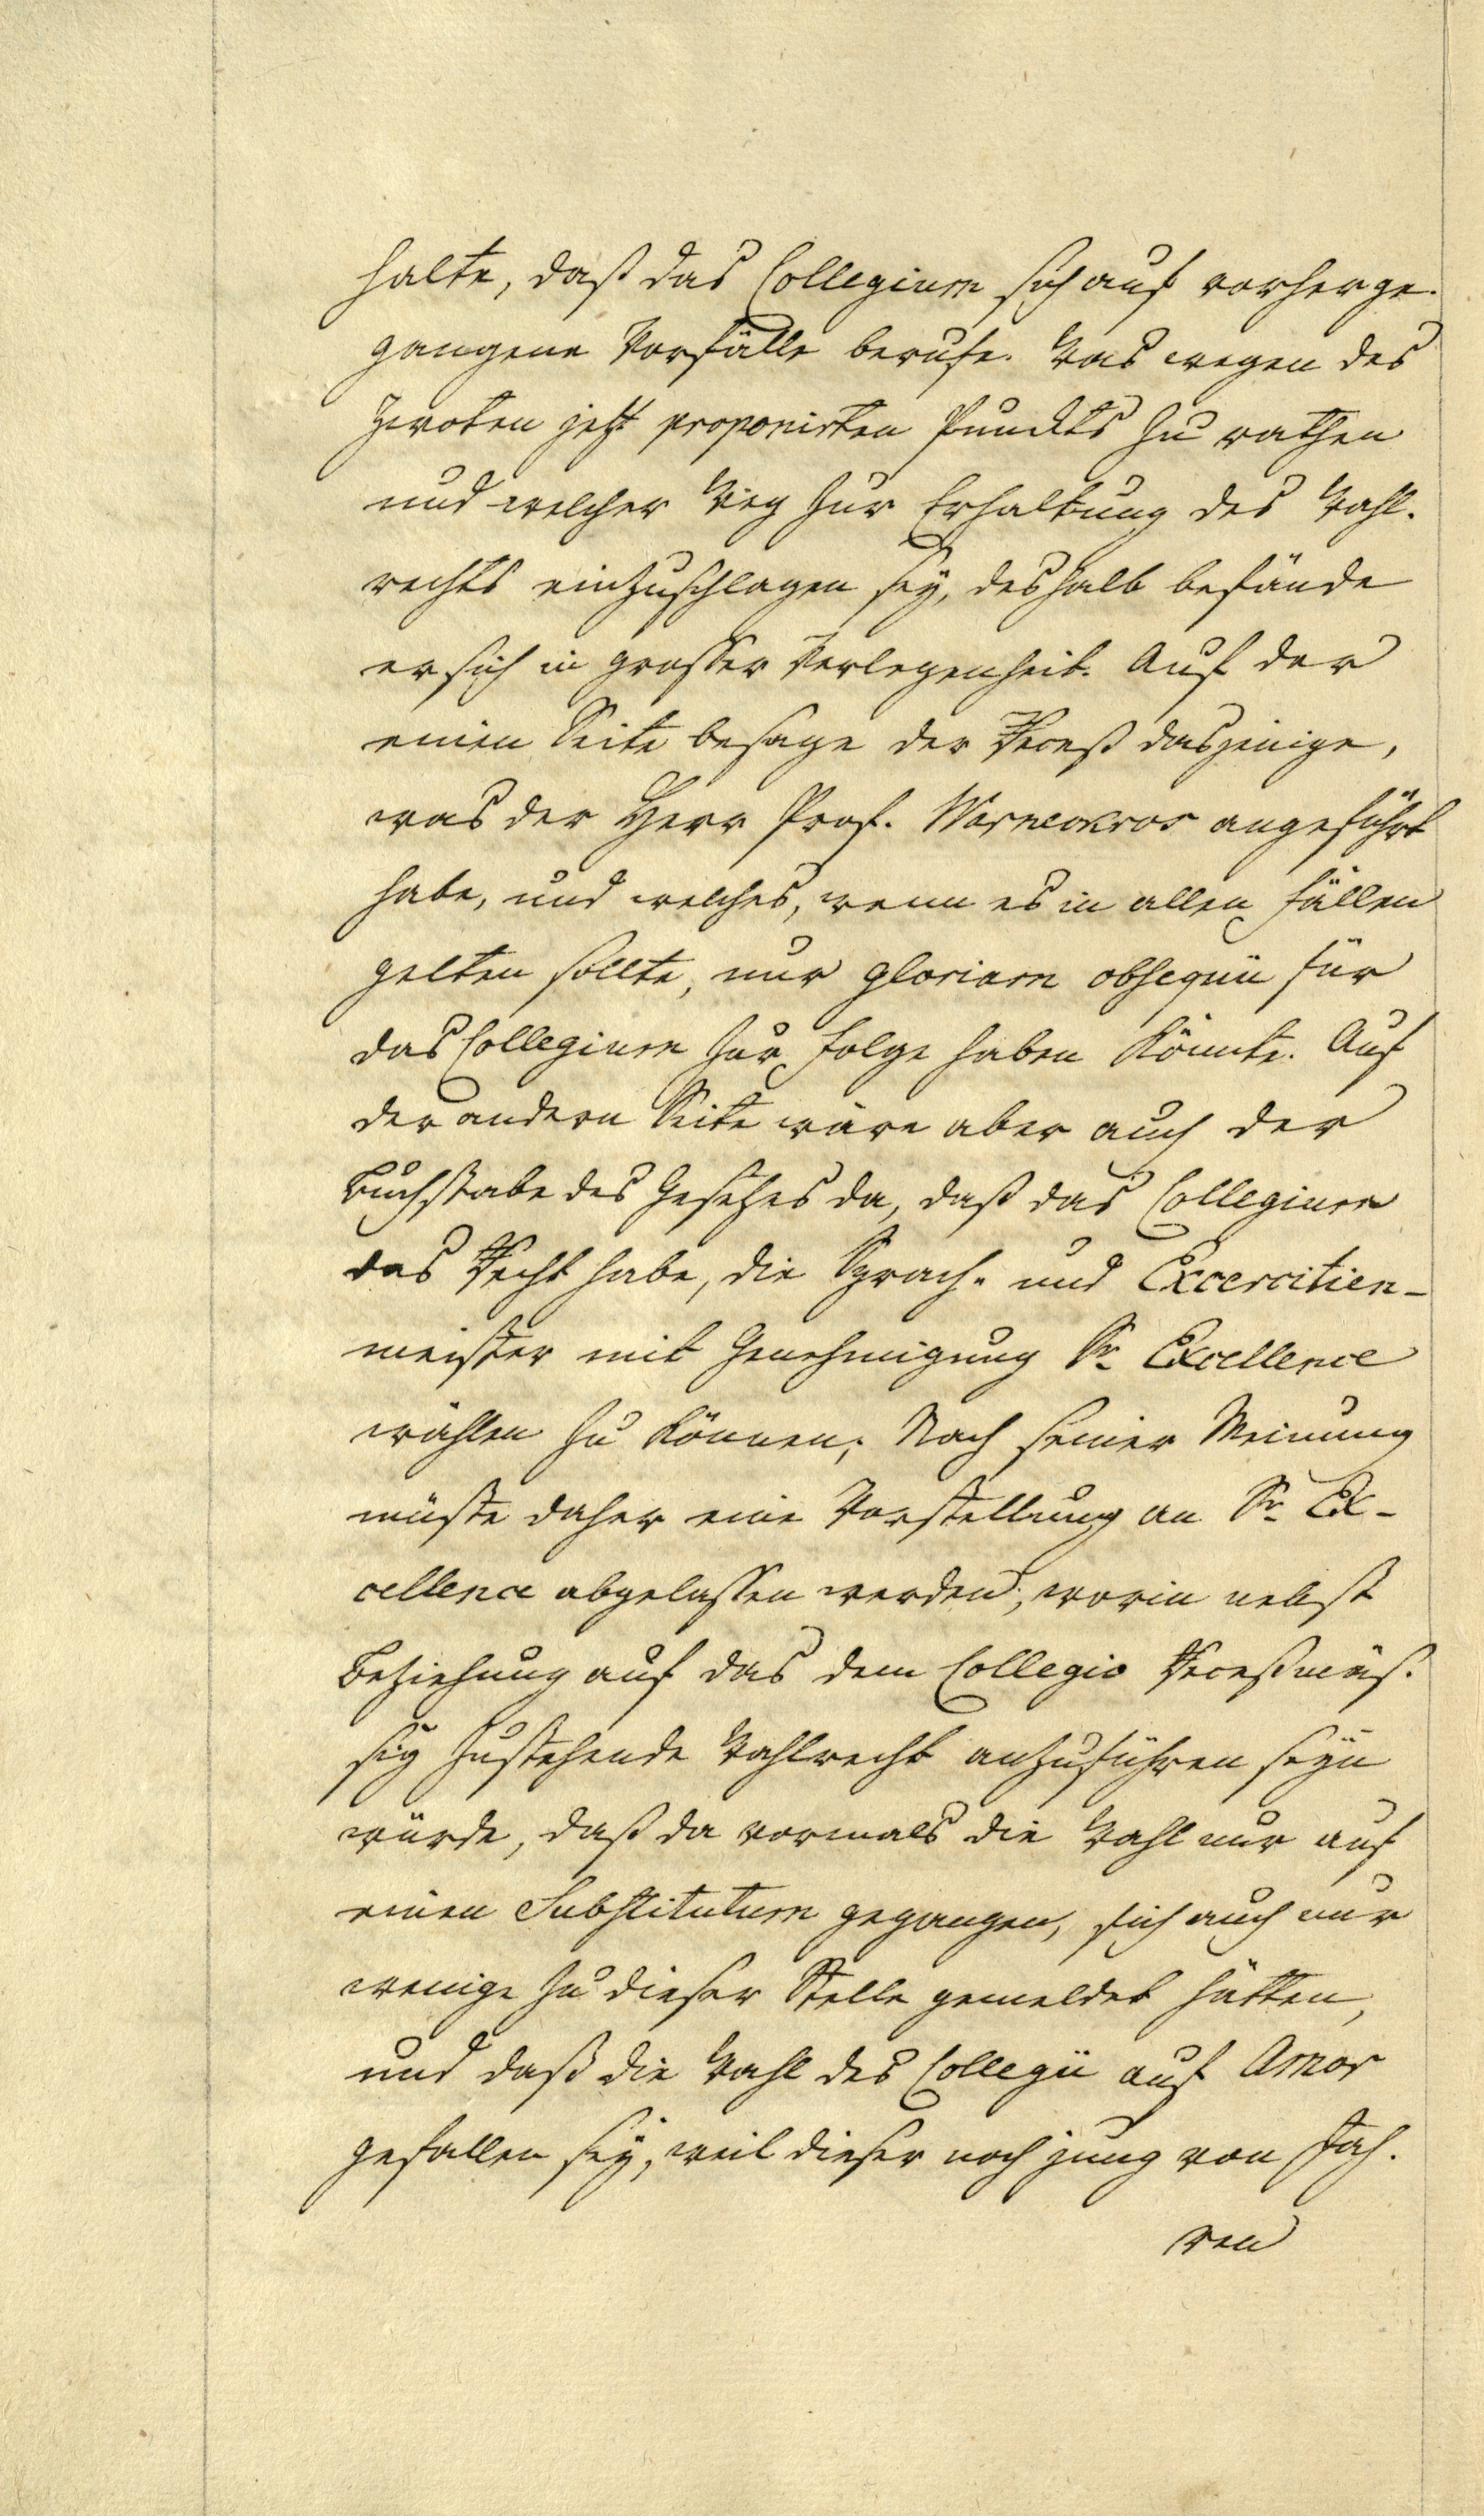halte, daß das Collegium sich auf vorherge¬
gangene Vorfälle berufe. Was wegen des
zwoten jetzt proponirten Punckts zu rathen
und welcher Weg zur Erhaltung des Wahl¬
rechts einzuschlagen seÿ, deshalb befände
er sich in grosser Verlegenheit auf der
einen Seite besage der Receß dasjenige,
was der Herr Prof. Warneckros angeführt
habe, und welches, wenn es in allen Fällen
gelten sollte, nur gloriam obsequii für
das Collegium zur Folge haben könnte. Auf
der andern Seite wäre aber auch der
Buchstabe des Gesetzes da, daß das Collegium
das Recht habe, die Sprach- und Excercitien¬
meister mit Genehmigung Sr Excellence
wählen zu können; Nach seiner Meinung
müßte daher eine Vorstellung an Sr. Ex¬
cellence abgelassen werden, worin nebst
Beziehung auf das dem Collegio Receßmäs¬
sig zustehende Wahlrecht anzuführen seÿn
würde, daß da vormals die Wahl nur auf
einen Substitutum gegangen, sich auch nur
wenige zu dieser Stelle gemeldet hätten,
und daß die Wahl des Collegii auf Amor
gefallen seÿ, weil dieser noch jung von Jah¬
ren